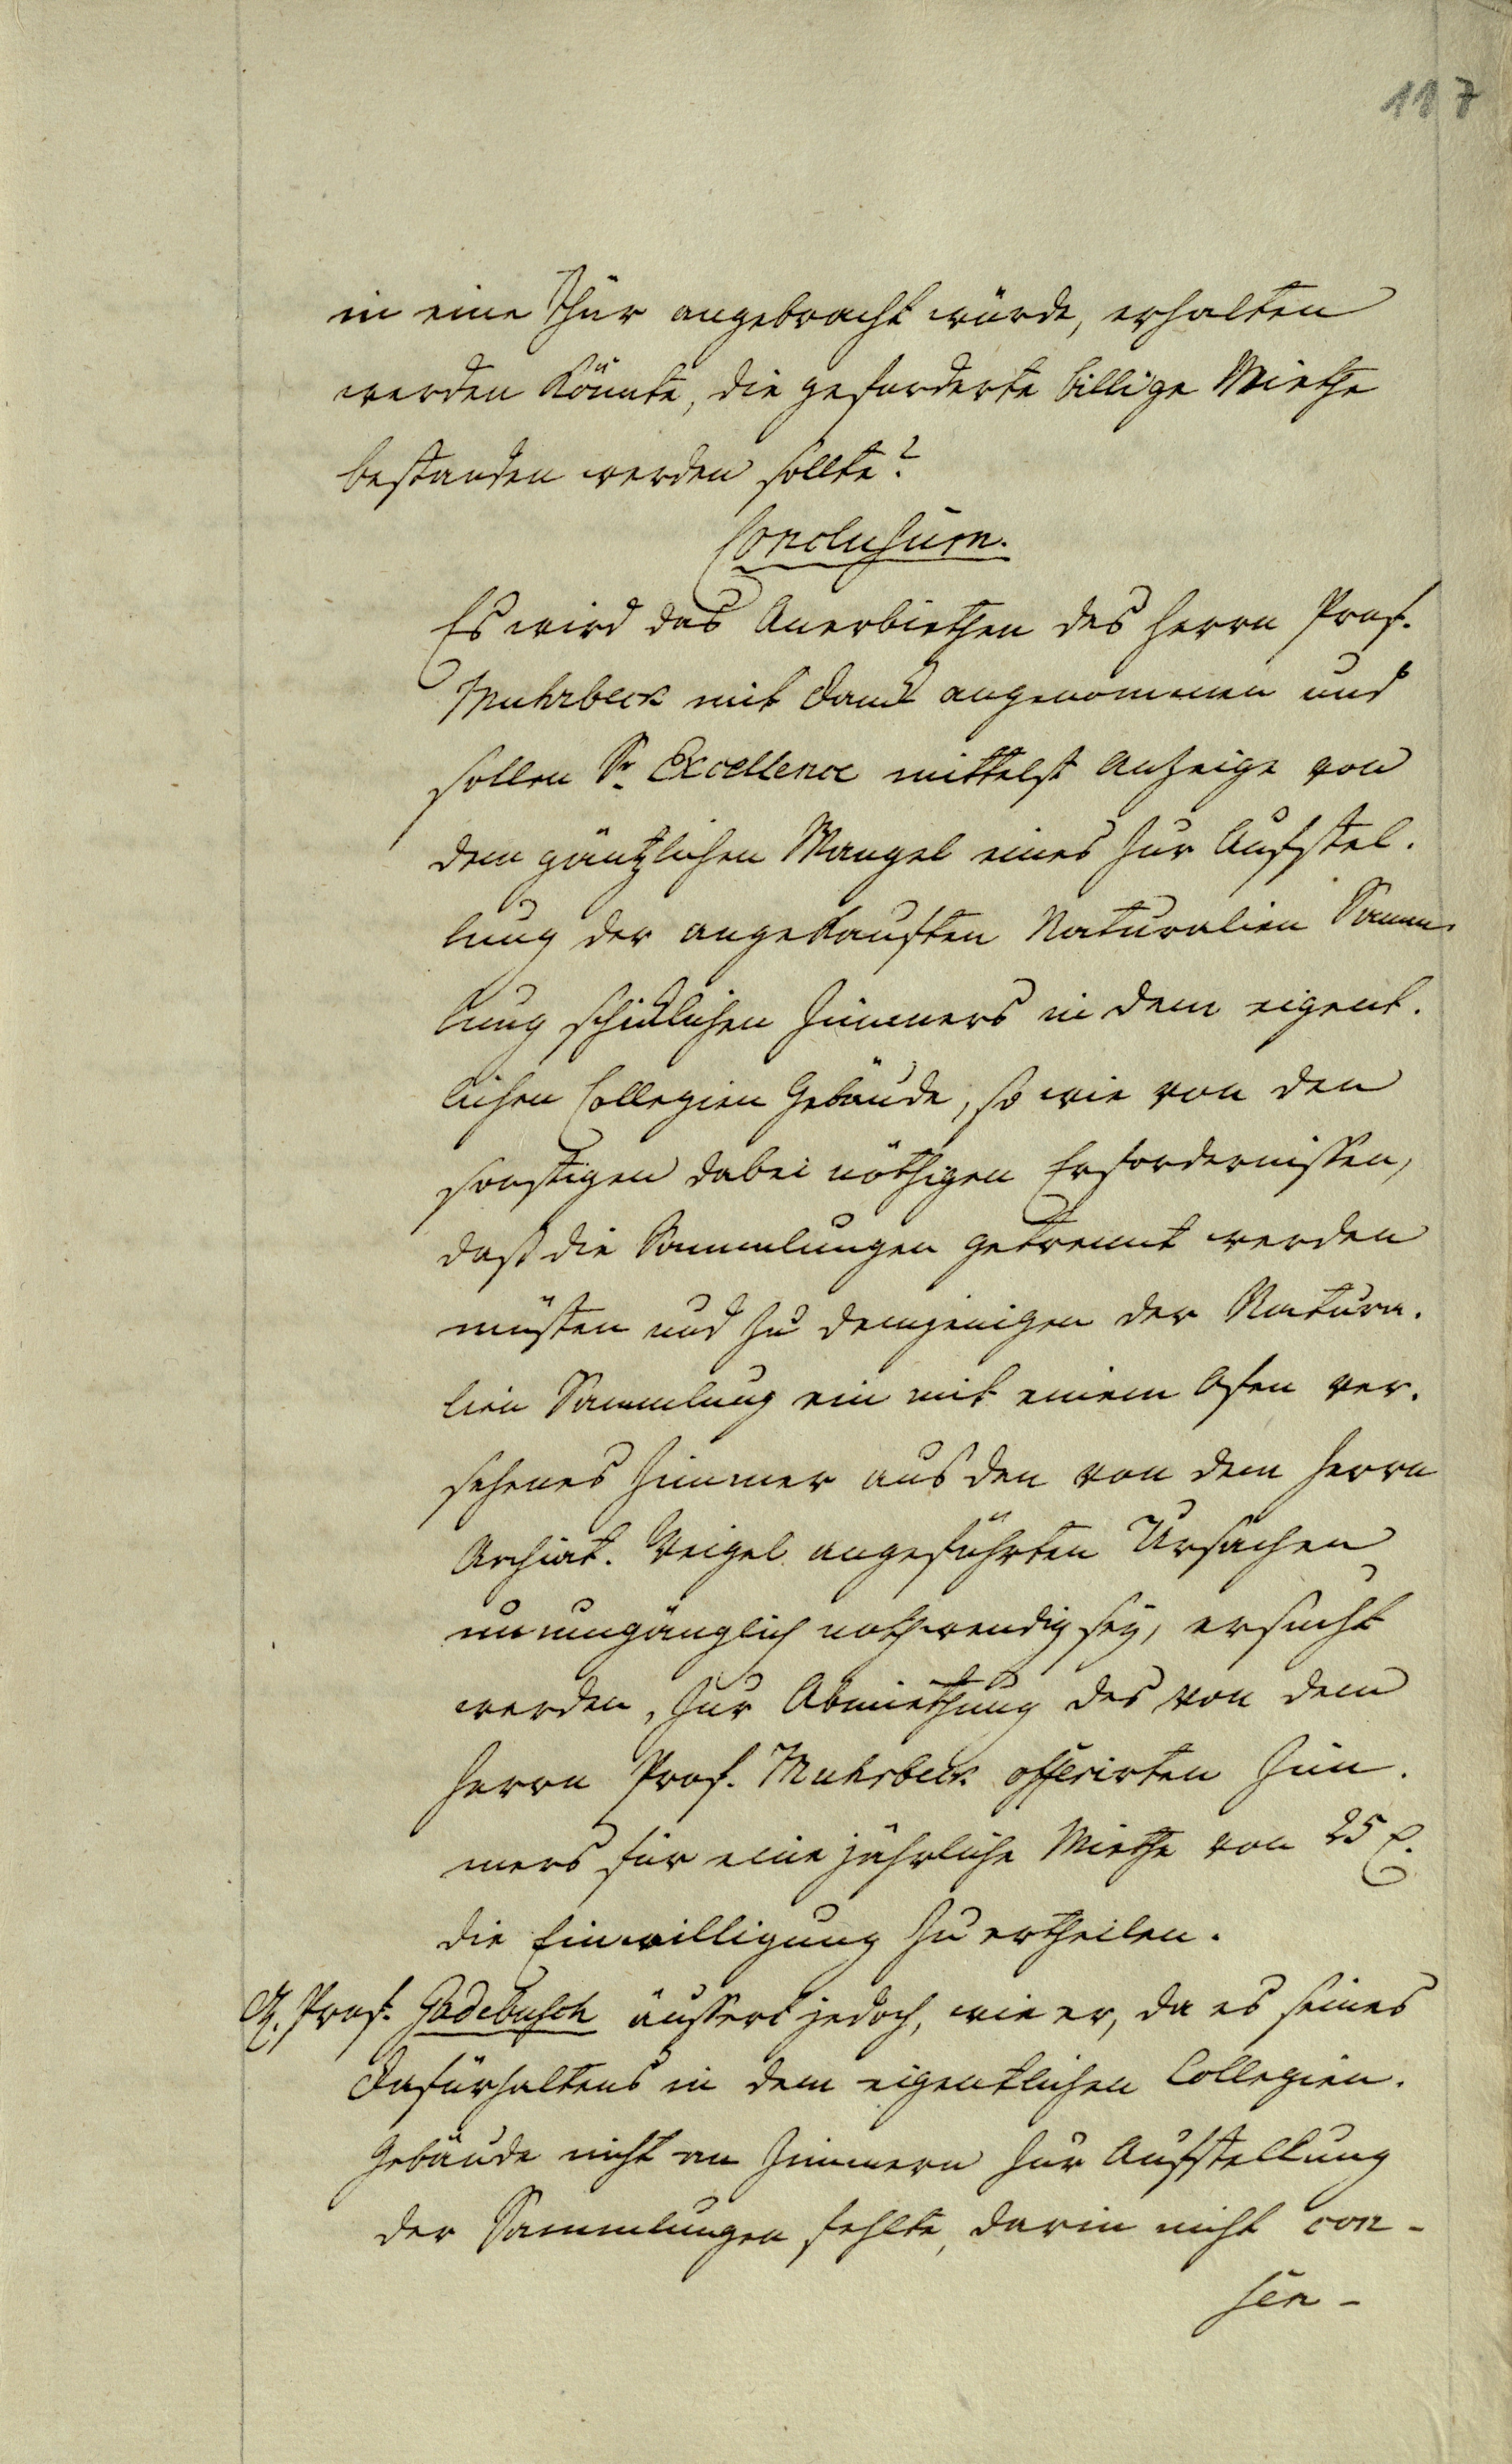in eine Thür angebracht würde, erhalten
werden könnte, die geforderte billige Miethe
bestanden werden sollte?
Conclusum
Es wird das Anerbiethen des Herrn Prof.
Muhrbeck mit Danck angenommen und
sollen Sr Excellence mittelst Anzeige von
dem gäntzlichen Mangel eines zur Aufstel¬
lung der angekauften Naturalien Samm¬
lung schicklichen Zimmers in dem eigent¬
lichen Collegien Gebäude, so wie von den
sonstigen dabei nöthigen Erfordernissen,
daß die Sammlungen getrennt werden
müßten und zu demjenigen der Natura¬
lien Sammlung ein mit einem Ofen ver¬
sehenes Zimmer aus den von dem Herrn
Archiat. Weigel angeführten Ursachen
unumgänglich nothwendig seÿ, ersucht
werden, zur Abmiethung des von dem
Herrn Prof. Muhrbeck offerirten Zim¬
mers für eine jährliche Miethe von 25 l.
die Einwilligung zu ertheilen.
dh. Prof. Gadebusch äussert jedoch, wie er, da es seines
Dafürhaltens in dem eigentlichen Collegien¬
Gebäude nicht an Zimmern zur Aufstellung
der Sammlingen fehlte, darin nicht con¬
sen¬